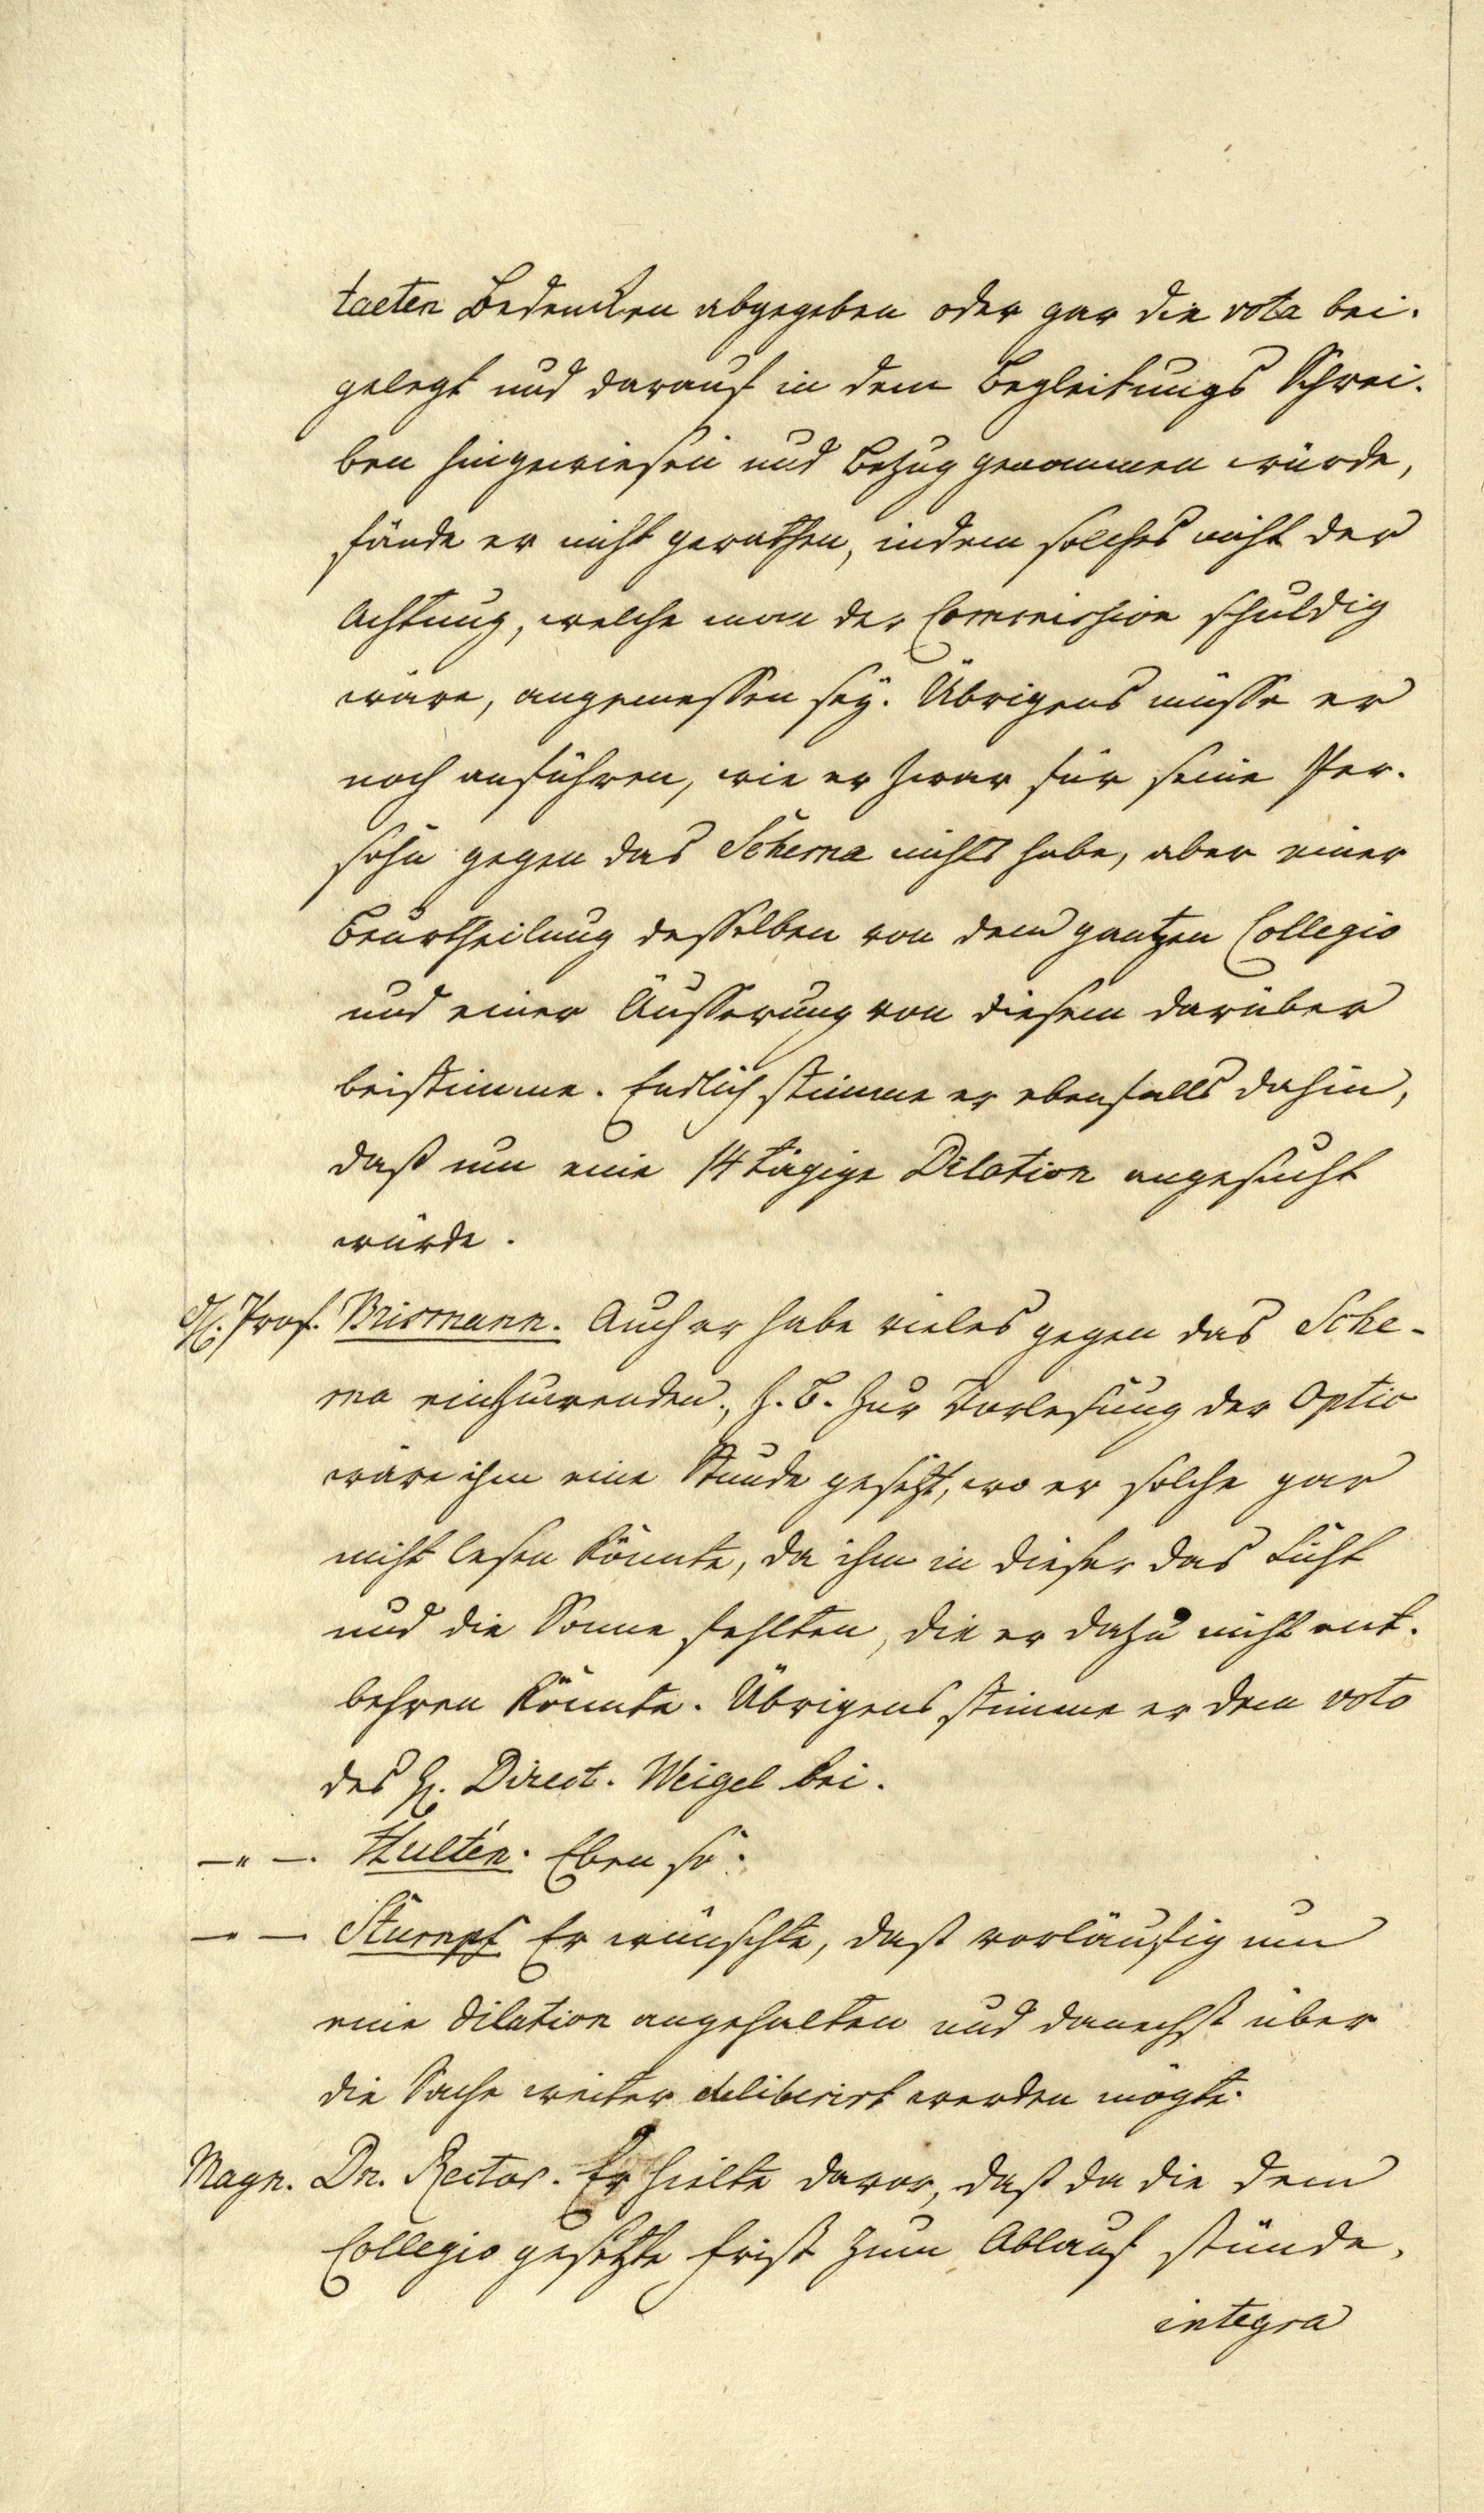taeten Bedenken abgegeben oder gar die vota bei-
gelegt und darauf in dem Begleitungs Schrei-
ben hingewiesen und Bezug genommen würde,
fände er nicht gerathen, indem solches nicht der
Achtung, welche man der Commission schuldig
wäre, angemessen sey. Übrigens müsse er
noch anführen, wie er zwar für seine Per-
sohn gegen das Schema nichts habe, aber einer
Beurtheilung desselben von dem gantzen Collegio
und einer Äusserung von diesem darüber
beistimme. Endlich stimme er ebenfalls dahin,
daß nun eine 14tägige Dilation angesucht
würde.
dh. Prof. Brismann. Auch er habe vieles gegen das Sche-
ma einzuwenden, z. B. zur Vorlesung der Optic
wäre ihm eine Stunde gesetzt, wo er solche gar
nicht lesen könnte, da ihm in dieser das Licht
und die Sonne fehlten, die er dazu nicht ent-
behren könnte. Übrigens stimme er dem voto
des H. Direct. Weigel bei.
- " - Hultén. Eben so.
- " - Stumpf. Er wünschte, daß vorläufig um
eine Dilation angehalten und danechst über
die Sache weiter deliberirt werden mögte.
Magn. Dn. Rector. Er hielte davor, daß da die dem
Collegio gesetzte Frist zum Ablauf stünde,
integra